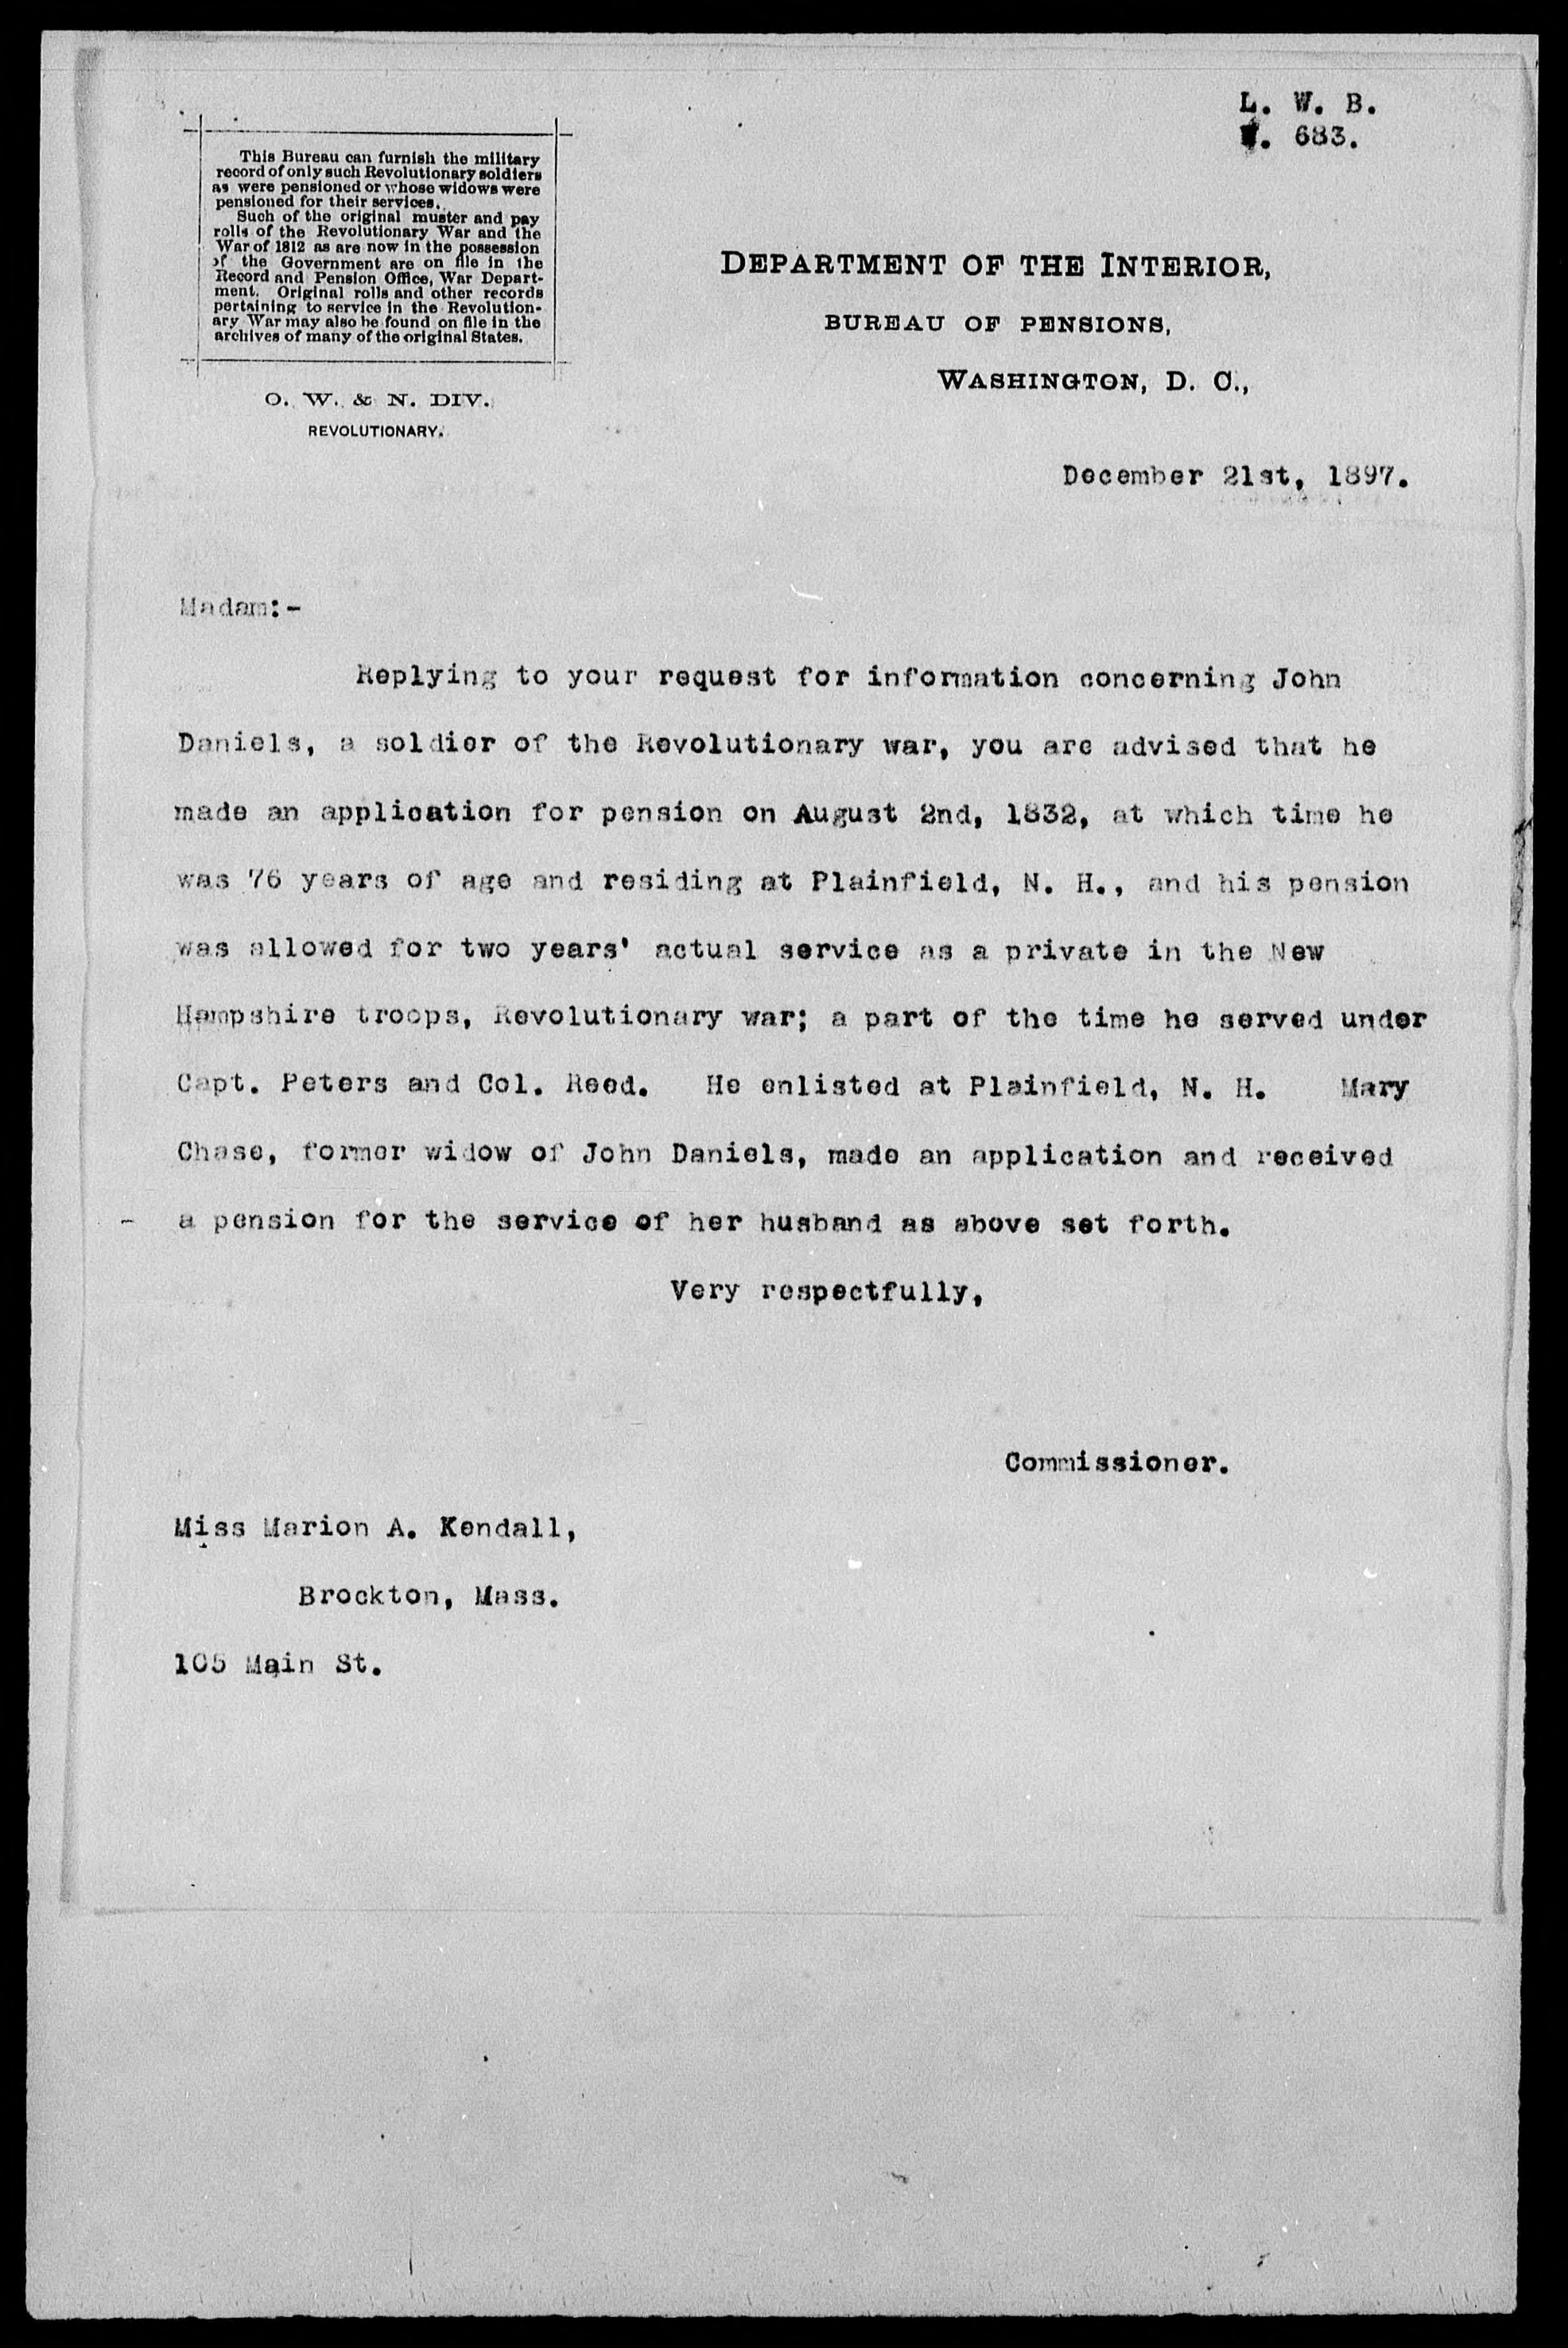This Bureau can furnish the military records of only such Revolutionary soldiers as were pensioned or whose widows were pensioned for their service.
Such of the original muster and pay rolls of the Revolutionary War and the War of 1812 as are now in the possession of the Government are on file in the Record and Pension Office, War Department.  Original rolls and other records pertaining to service in the Revolutionary War may also be found on file in the archives of many States.
O. W. & N. DIV.
REVOLUTIONARY.

[on right] L.W.B.
W. 683.

DEPARTMENT OF THE INTERIOR,
BUREAU OF PENSIONS,
WASHINGTON, D.C.,

December 21st, 1897.

Madam: - Replying to your request for information concerning John Daniels, a soldier of the Revolutionary War, you are advised that he made an application for pension on August 2nd, 1832, at which time he was 76 years of age and residing at Plainfield, N.H., and his pension was allowed for two years' actual service as a private in the New Hampshire troops, Revolutionary war; a part of the time he served under Capt. Peters and Col. Reed.  He enlisted at Plainfield, N.H.  Mary Chase, former widow of John Daniels, made an application and received a pension for the service of her husband as above set forth.
Very respectfully,
[no signature]
Commissioner

Miss Marion A. Kendall,
Brockton, Mass.
105 Main St.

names: Marion A Kendall, Peters, Reed, Mary Chase, John Daniels, John Daniels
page: 14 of 43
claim: widow's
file: W 683, John Daniels, Continental Mass. N.H.